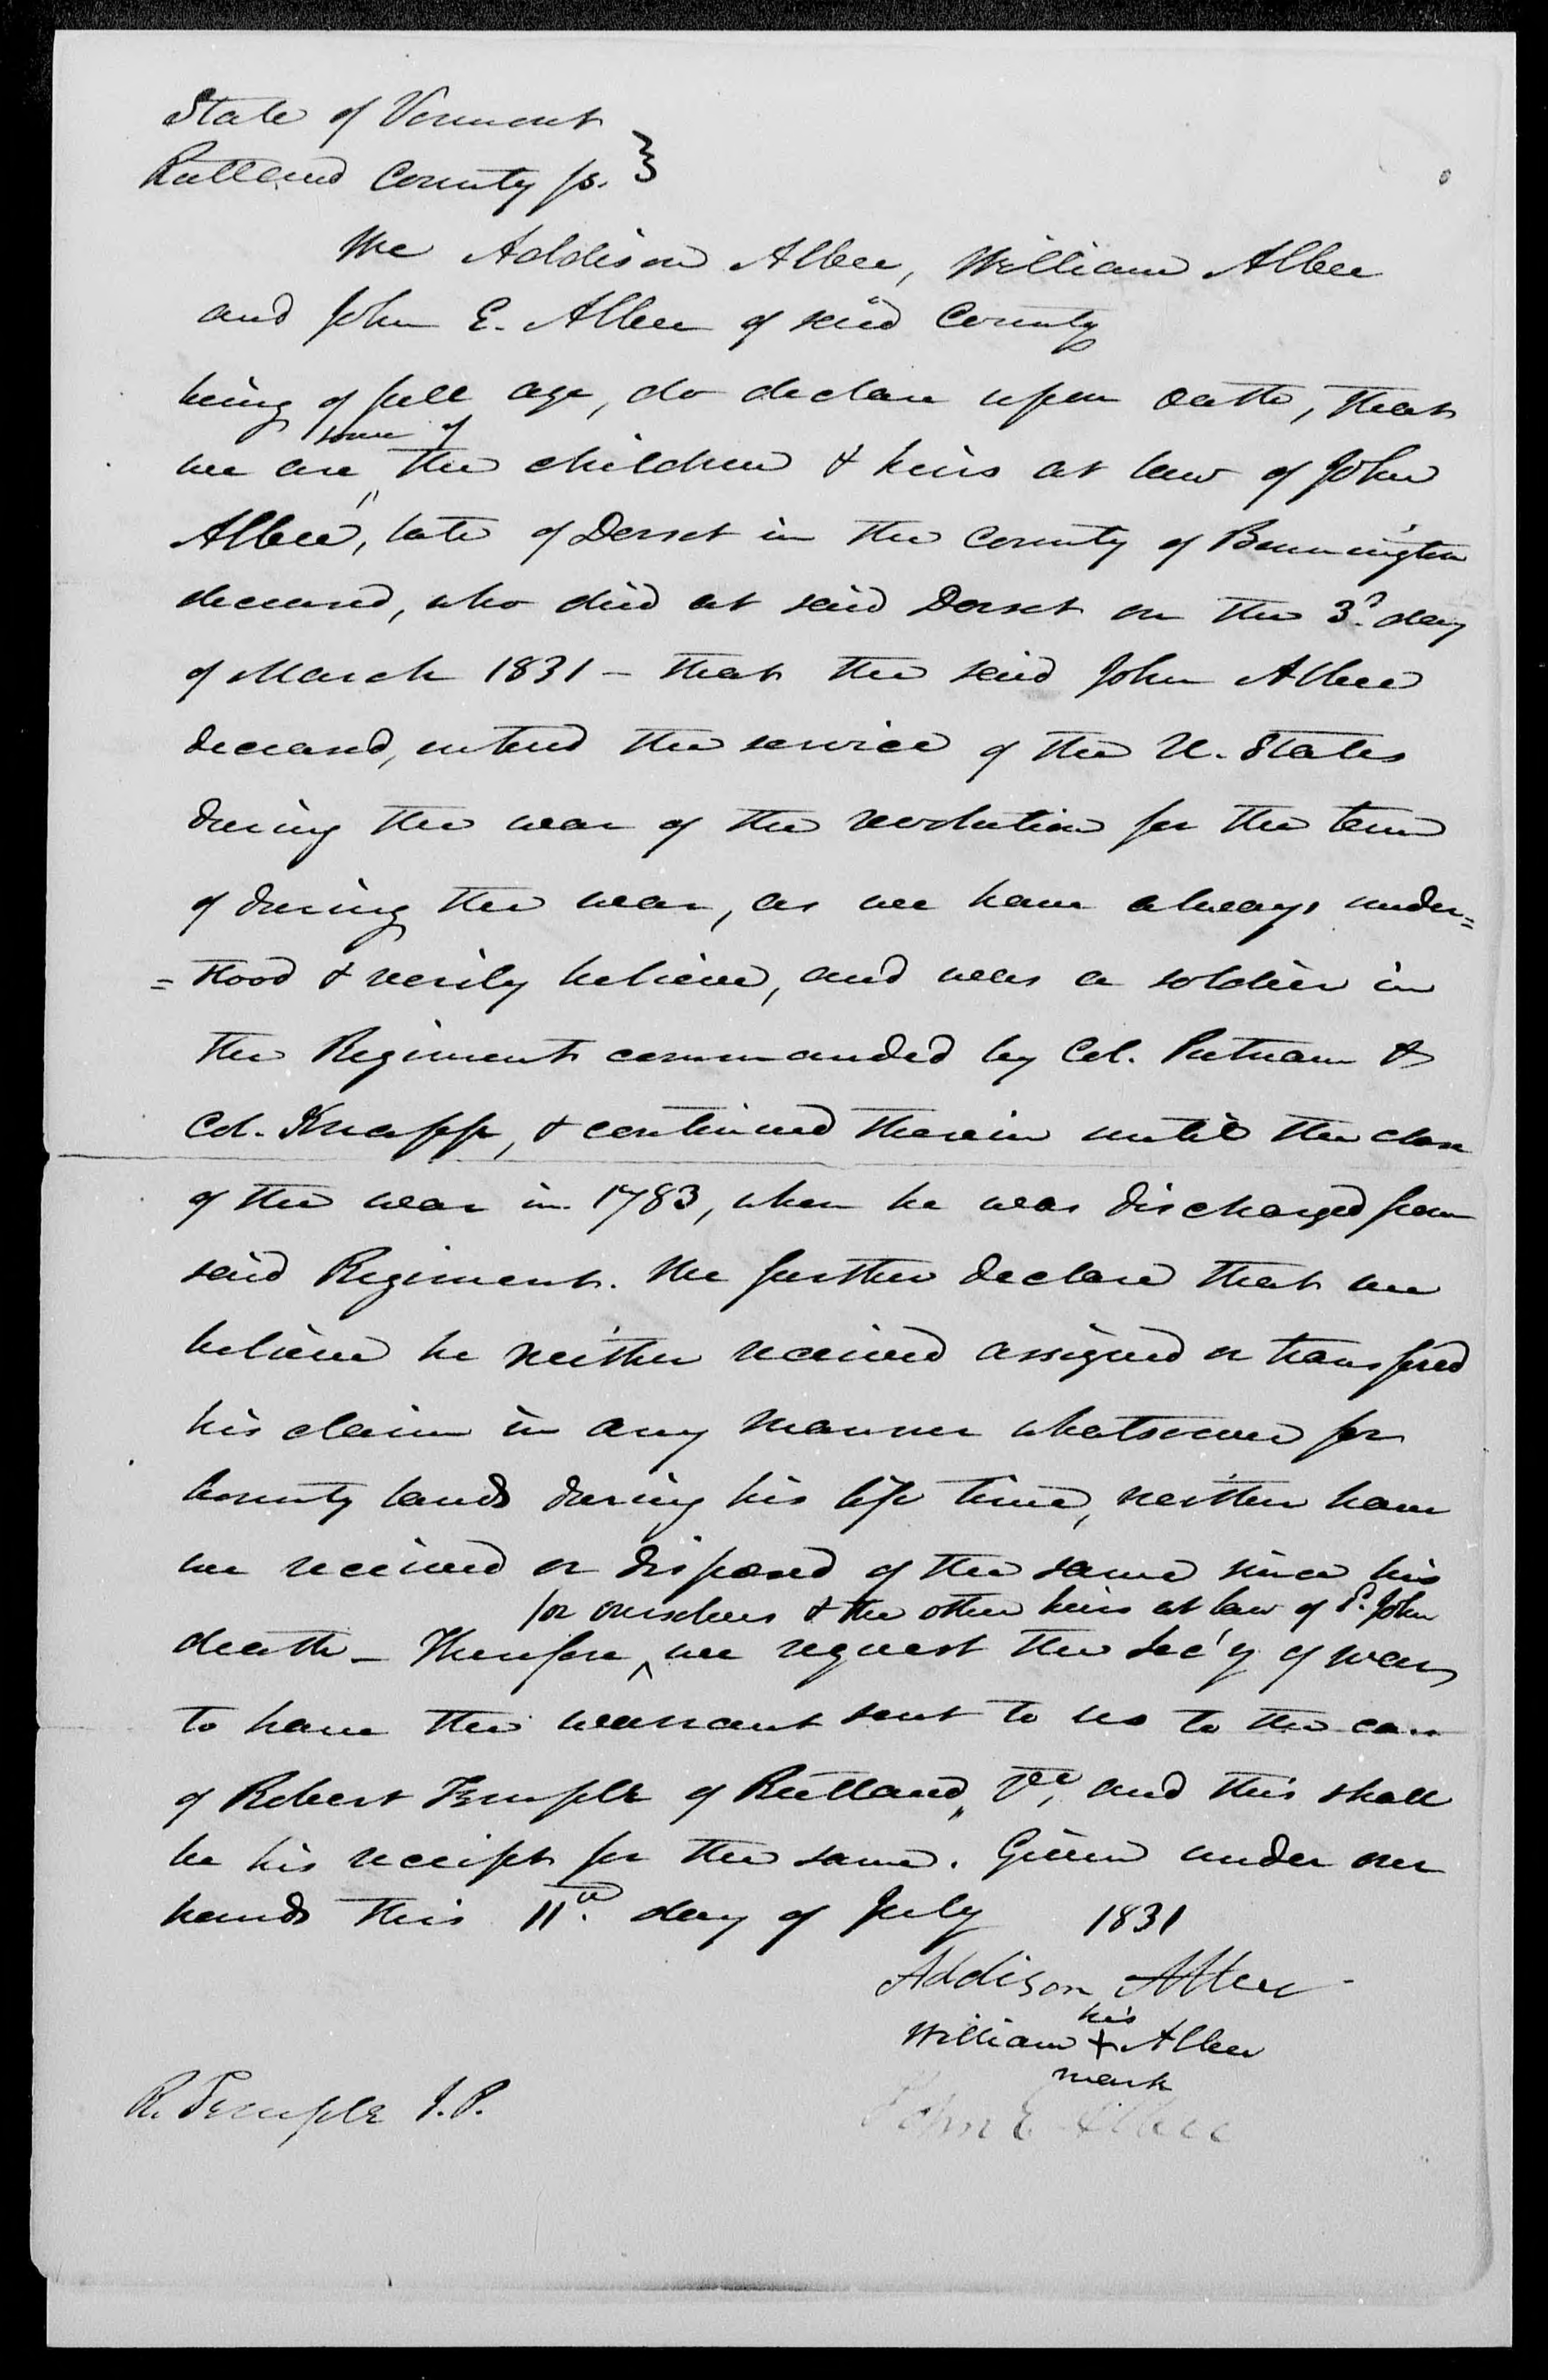State of Vermont Rutland County ss. 
We Addison Albee, William Albee and John E. Albee of said County being of full age, do declare upon oath, that we are the children & heirs at law of John  Albee, late of Dorset in the County of Bennington deceased, who died at said Dorset on the 3d day of March 1831 - that the said John Allen deceased, entered the service of the U. States during the war of the revolution for the term of during the war, as we have always understood & verily believe, and was a soldier in the Regiment commanded by Col. Putnam & Col Knapp & continued therein until the close of the war in 1783, when he was discharged from said Regiment. We further declare that we believe he neither received assigned or transfered his claim in any manner whatsoever for Bounty land during his life time neither have we received or disposed of the same since his death. Therefore, for ourselves & the other heirs at law of E. John we request the Secy of War to have the amount sent to us to the care of Robert Temple of Rutland and this shall be his receipt for the same. Given under our  hand this 11th day of July 1831.
Addison Albee
William his X mark Albee
John E. Albee

R Temple J.P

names: R Temple, Putnam, John Albee, Addison Albee, John E Albee, William Albee, Addison Albee, William Albee, John E Albee, Knapp, Robert Temple, John Albee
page: 9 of 29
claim: survivor's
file: S 41404, Eleazer John Albee, Mass. Privateer